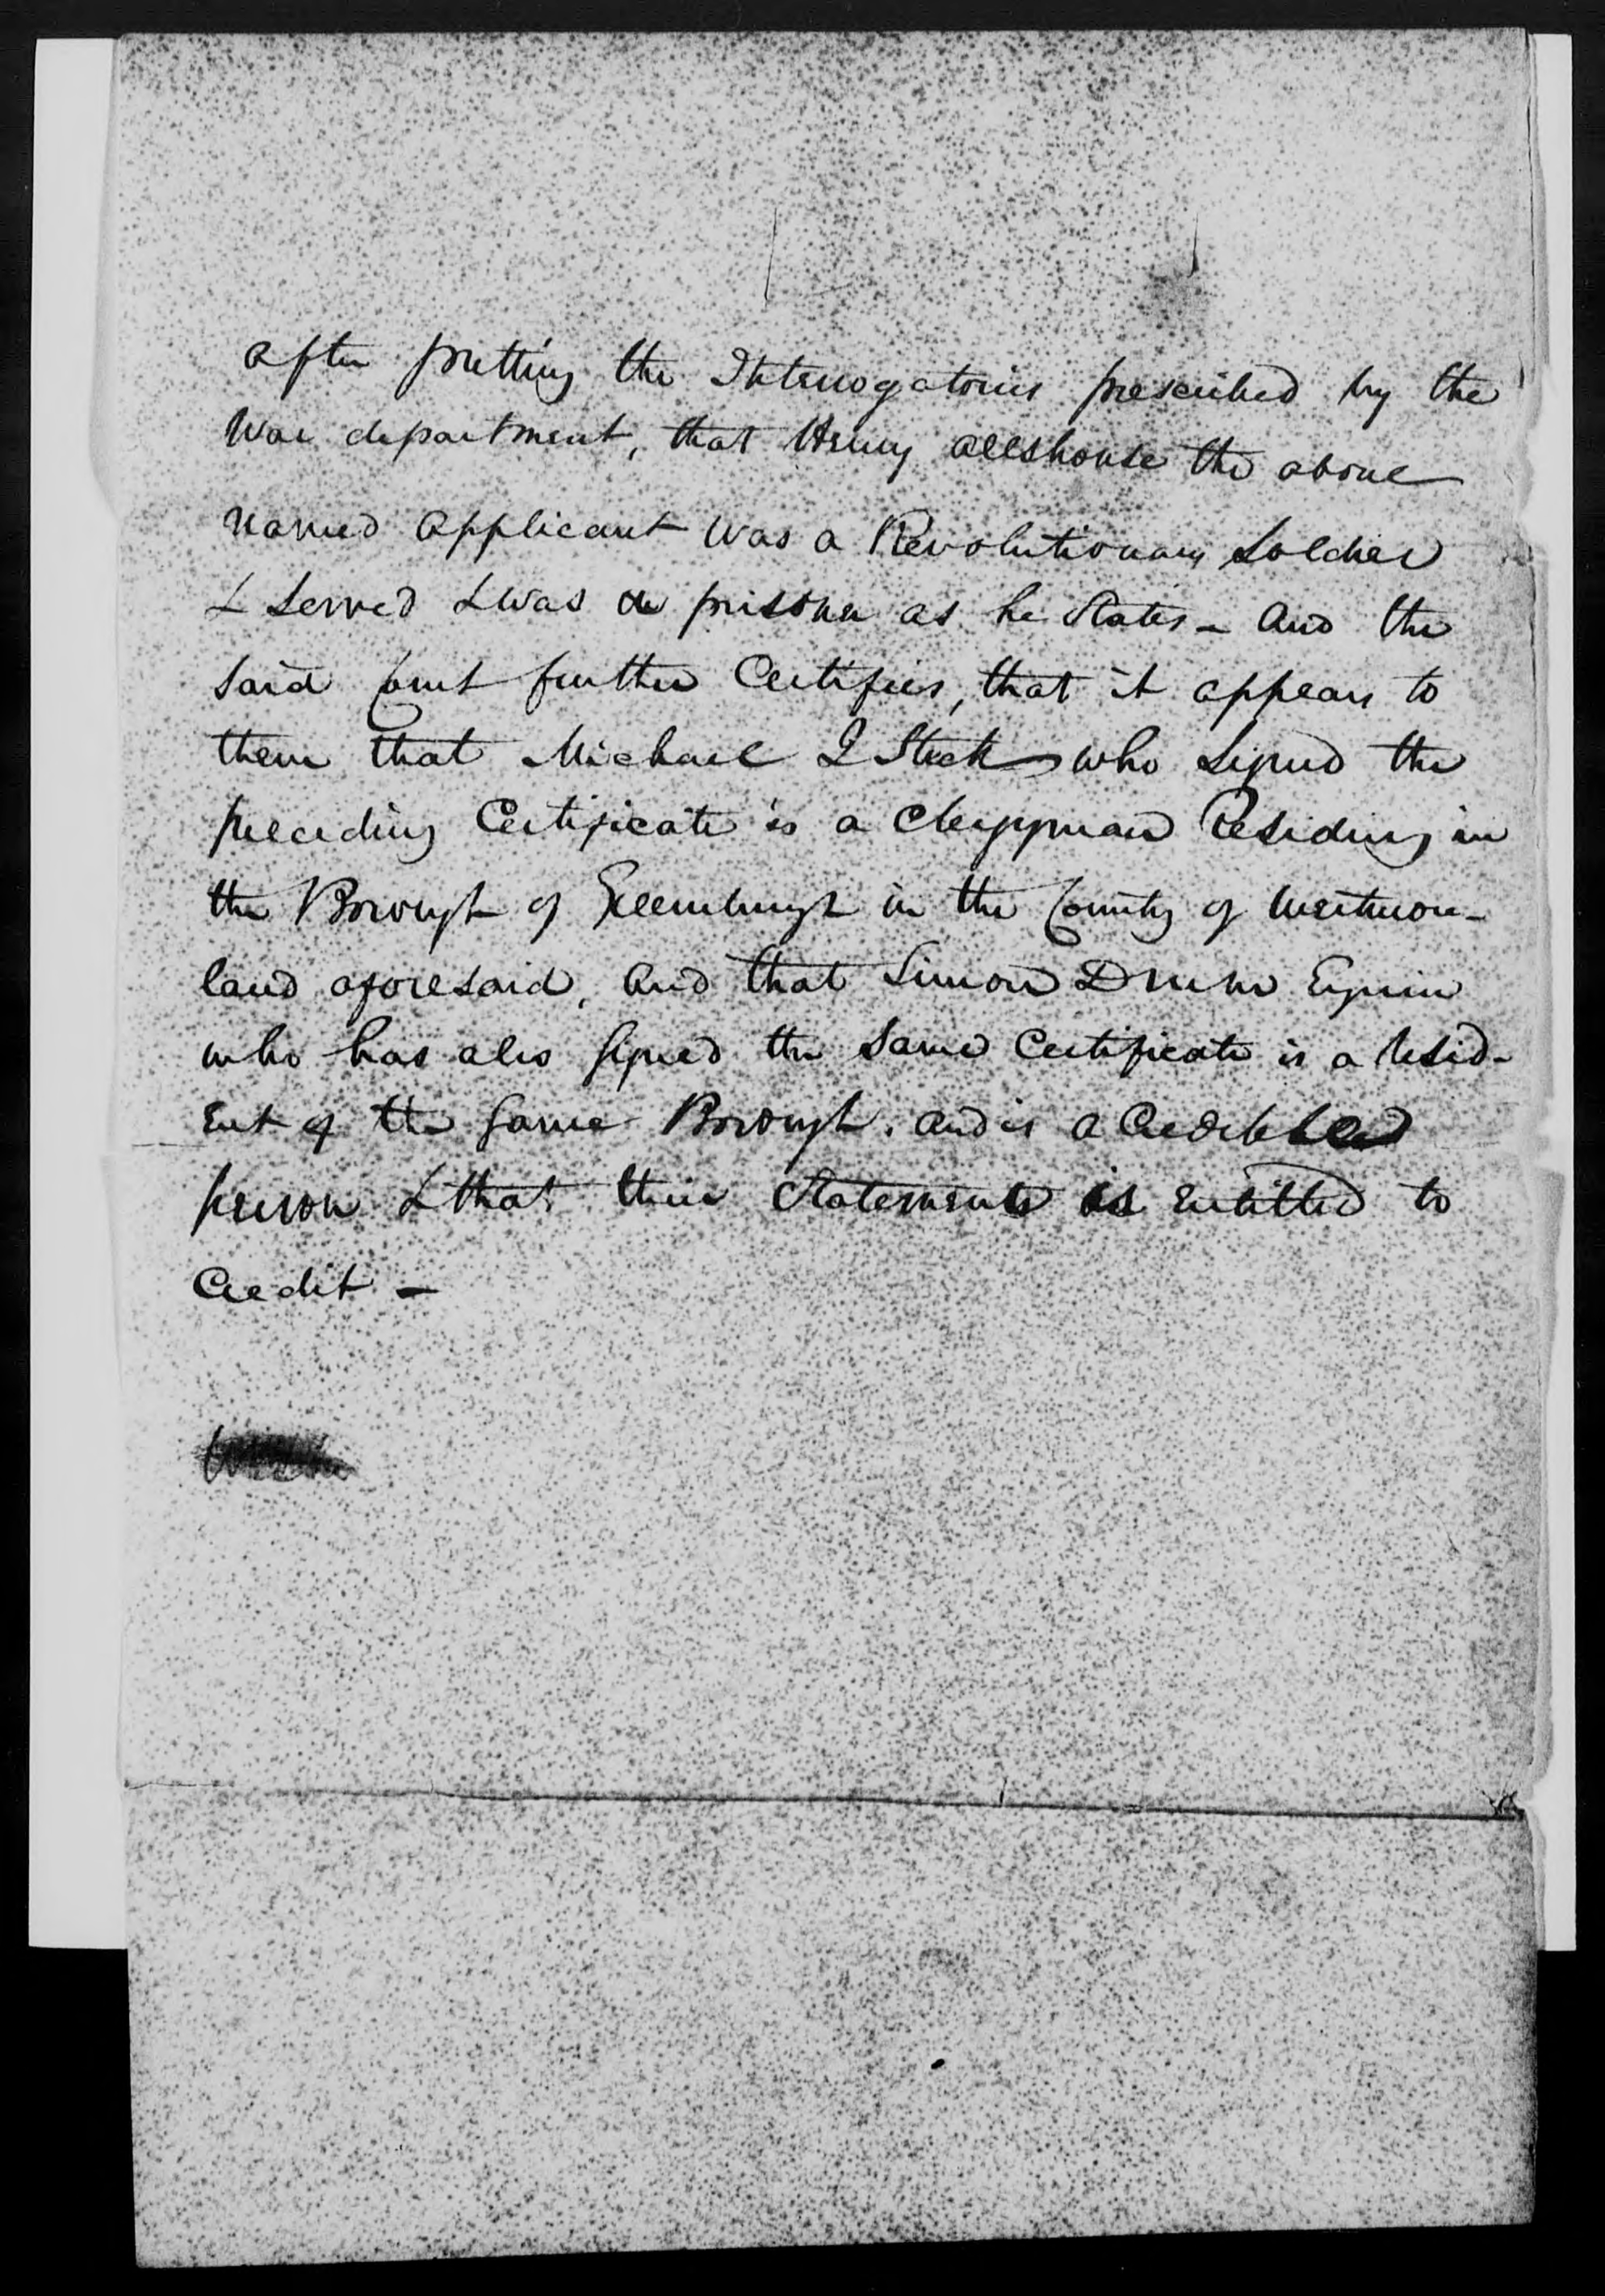after putting the interrogatories prescribed by the war department, that Henry Allshouse the above named applicant was a Revolutionary soldier & served & was a prisoner as he states. And the said court further certifies, that it appears to them that Michael J. Steck who signed the preceding certificate is a clergyman presiding in the Borough of Greenburgh in the County of Westmoreland aforesaid, and that Simon Druks Esquire who has also signed the same certificate is a resident of the same borough and is a credible person & that his statement is entitled to credit.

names: Michael J Steck, Henry Allshouse, Simon Drum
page: 9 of 24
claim: survivor's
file: S. 2032, Henry Allshouse, Penn.